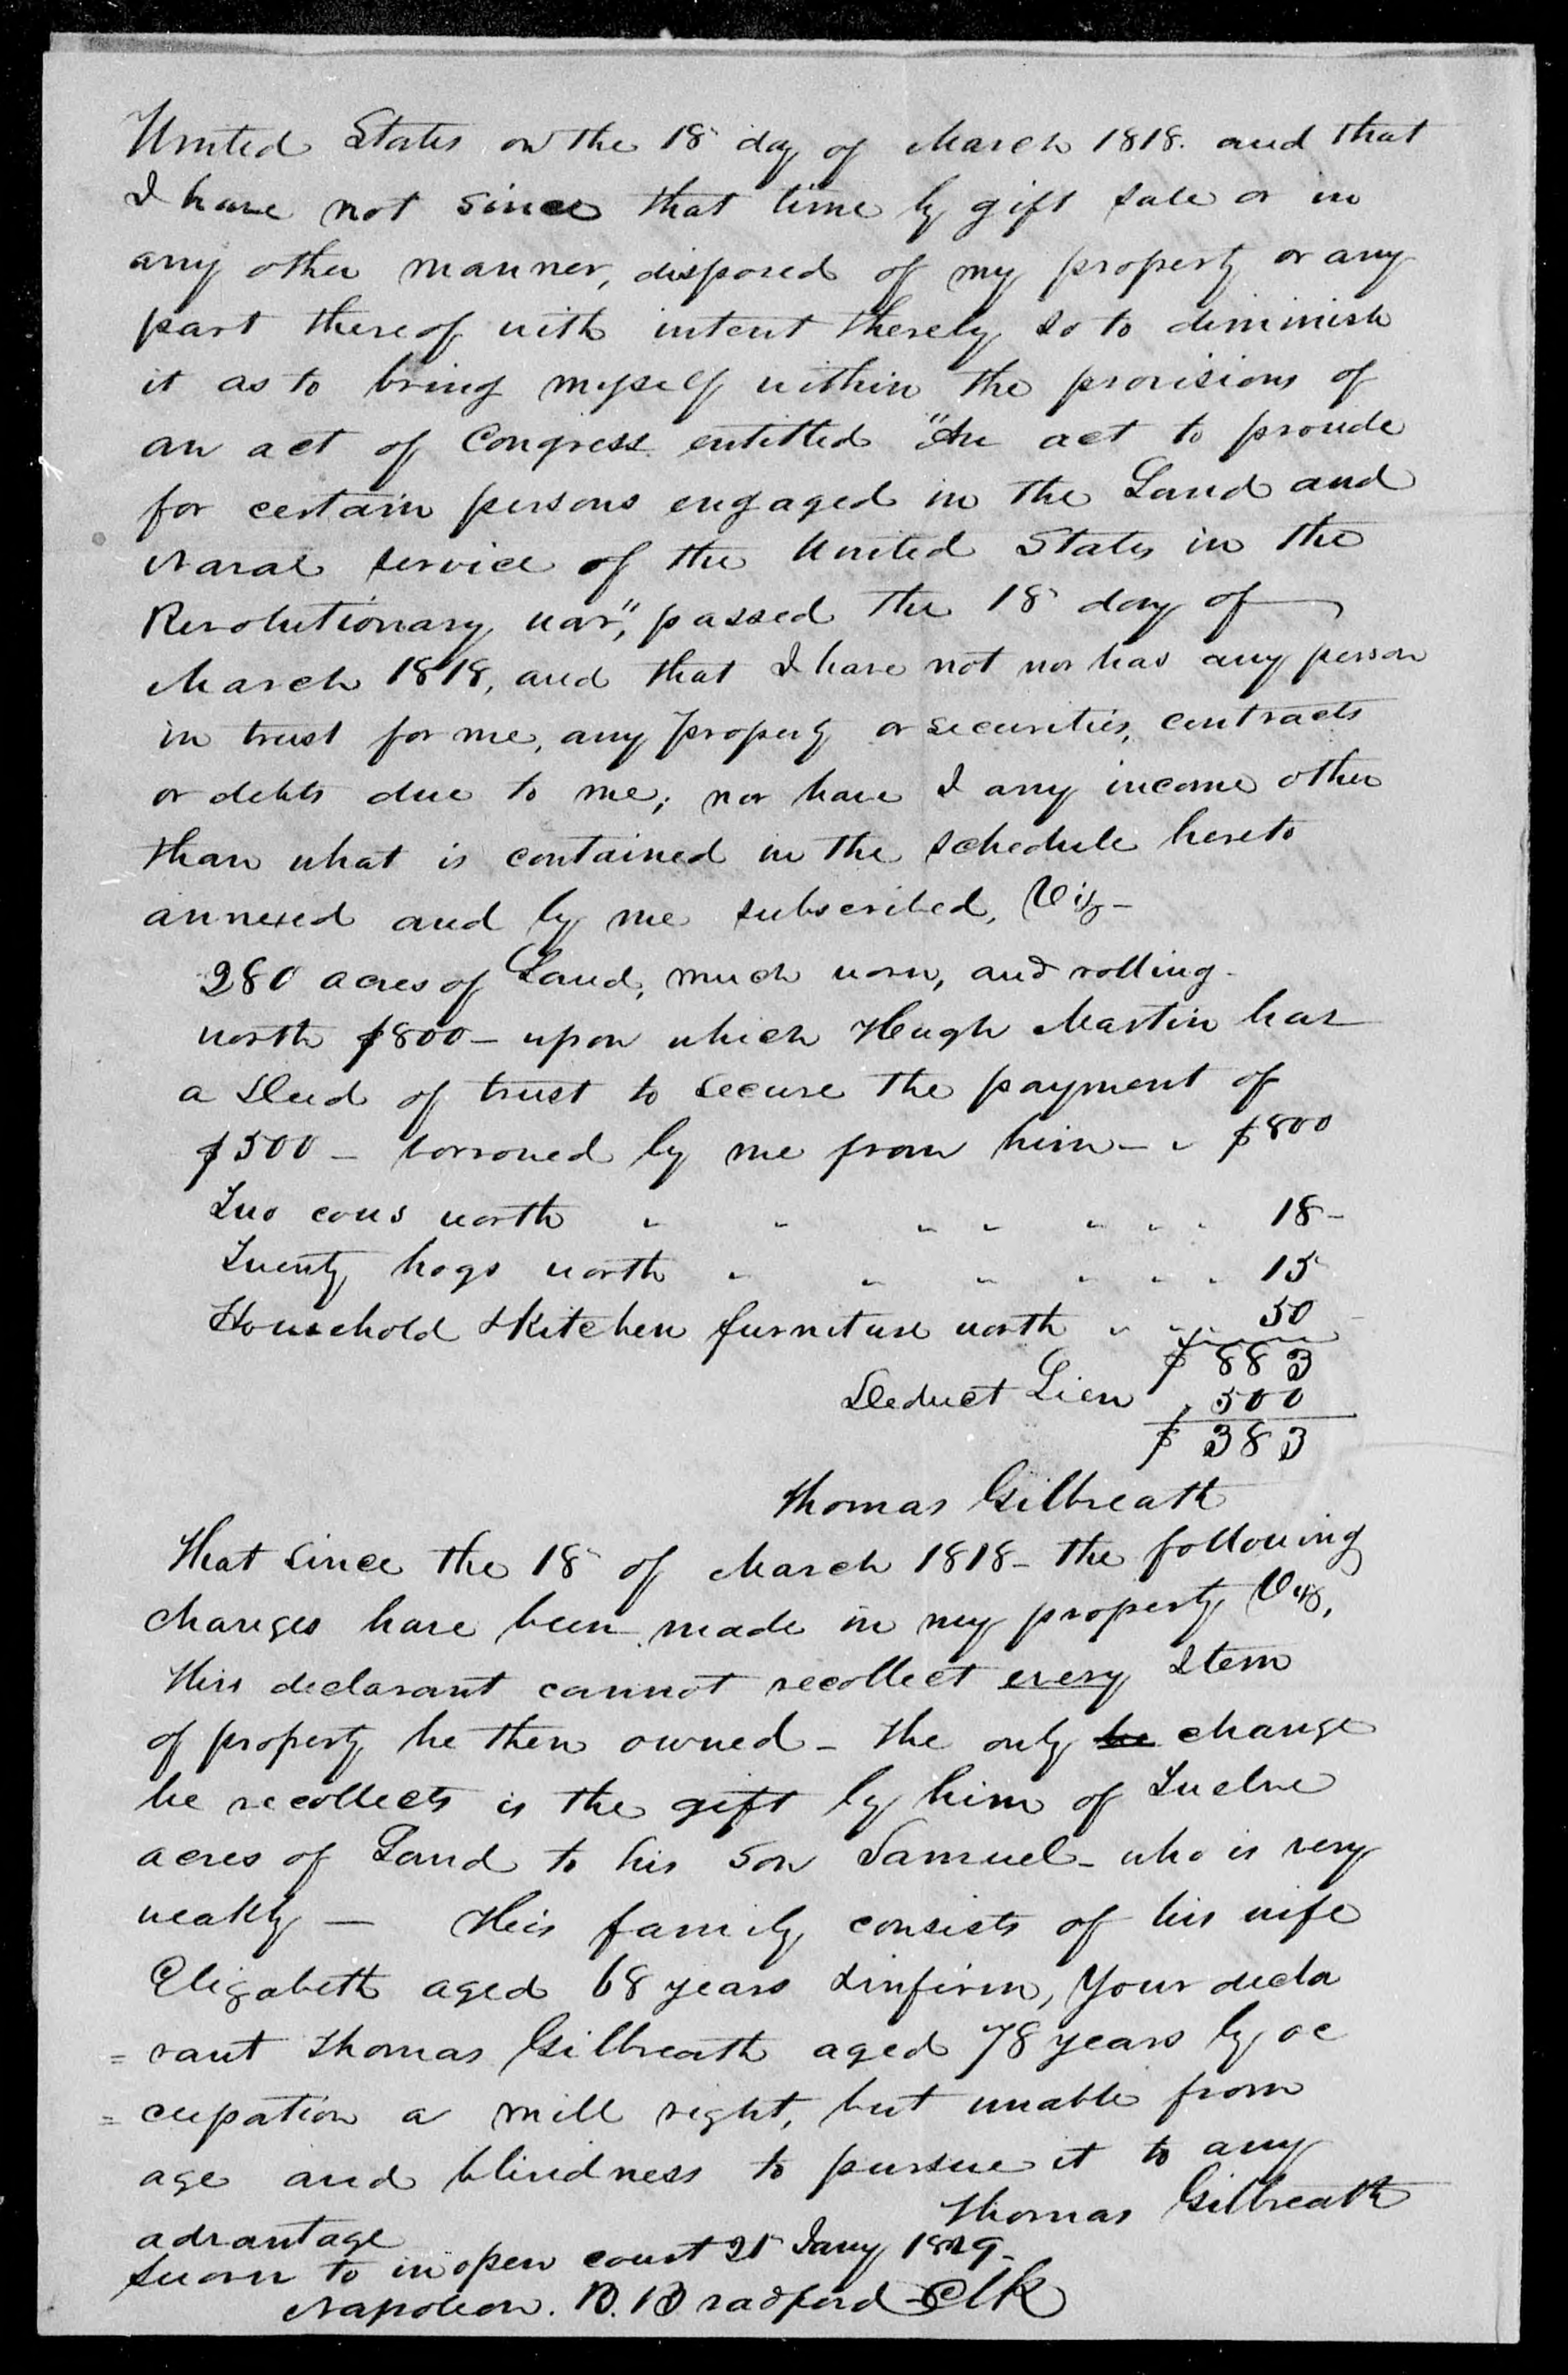United States on the 18' day of March 1818. and that I have not since that time by gift sale or in any other manner, disposed of my properyt or any part thereof with intent thereby to do diminish it as to bring myself within the provisions of an act of Congres entitled "An act to provide for certain persons engaged in the Land and Naval Service of the United States in the Revolutionary war," passed the 18'day of March 1818, and that I have not nor has any person in trust for me, any property or securities, contracts or debts due to me; nor have I any income other than what is contained in the schedule hereto annexed and by me subscribed, Viz - 280 acres of Land, much  [illegible] and rolling worth $800 - upon which Hugh Martin has a Deed of trust to secure the payment of $500 - borrowed by me from him - $800
Two cows worth   -   -      -    -   -  -- 18-
Twenty hogs worth    -   -   -   -  -   - 15
Household Kitchen furniture worth - 50 -
$883
Deduct Lien  500
-----------
$383
Thomas Gilbreath
Tjhat since the 18' of March 1818 - the following changes have been made in my property Viz,
 this declarant cannot recollect every [underlined] Item of property he then owned_ the only [word crossed out and illegible] change he recollects is the gift by him of Twelve acres of Land to his son Samuel _ who is very weakly __ His family consists of his wife Elizabeth aged 68 years & infirm, Your declarant Thomas Gilbreath aged 78 years by occupation a mill right, but unable from age and blindness to pursue it to any advantage    Thomas Gilbreath
Sworn to in open court 21' Jany 1829.
Napoleon, B. Bradford - clk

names: Samuel, Elizabeth, Thomas Gilbreath, Thomas Gilbreath, Napoleon B Bradford, Hugh Martin, Thomas Gilbreath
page: 9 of 24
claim: survivor's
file: S. 38727, Thomas Gilbreath, Penn.